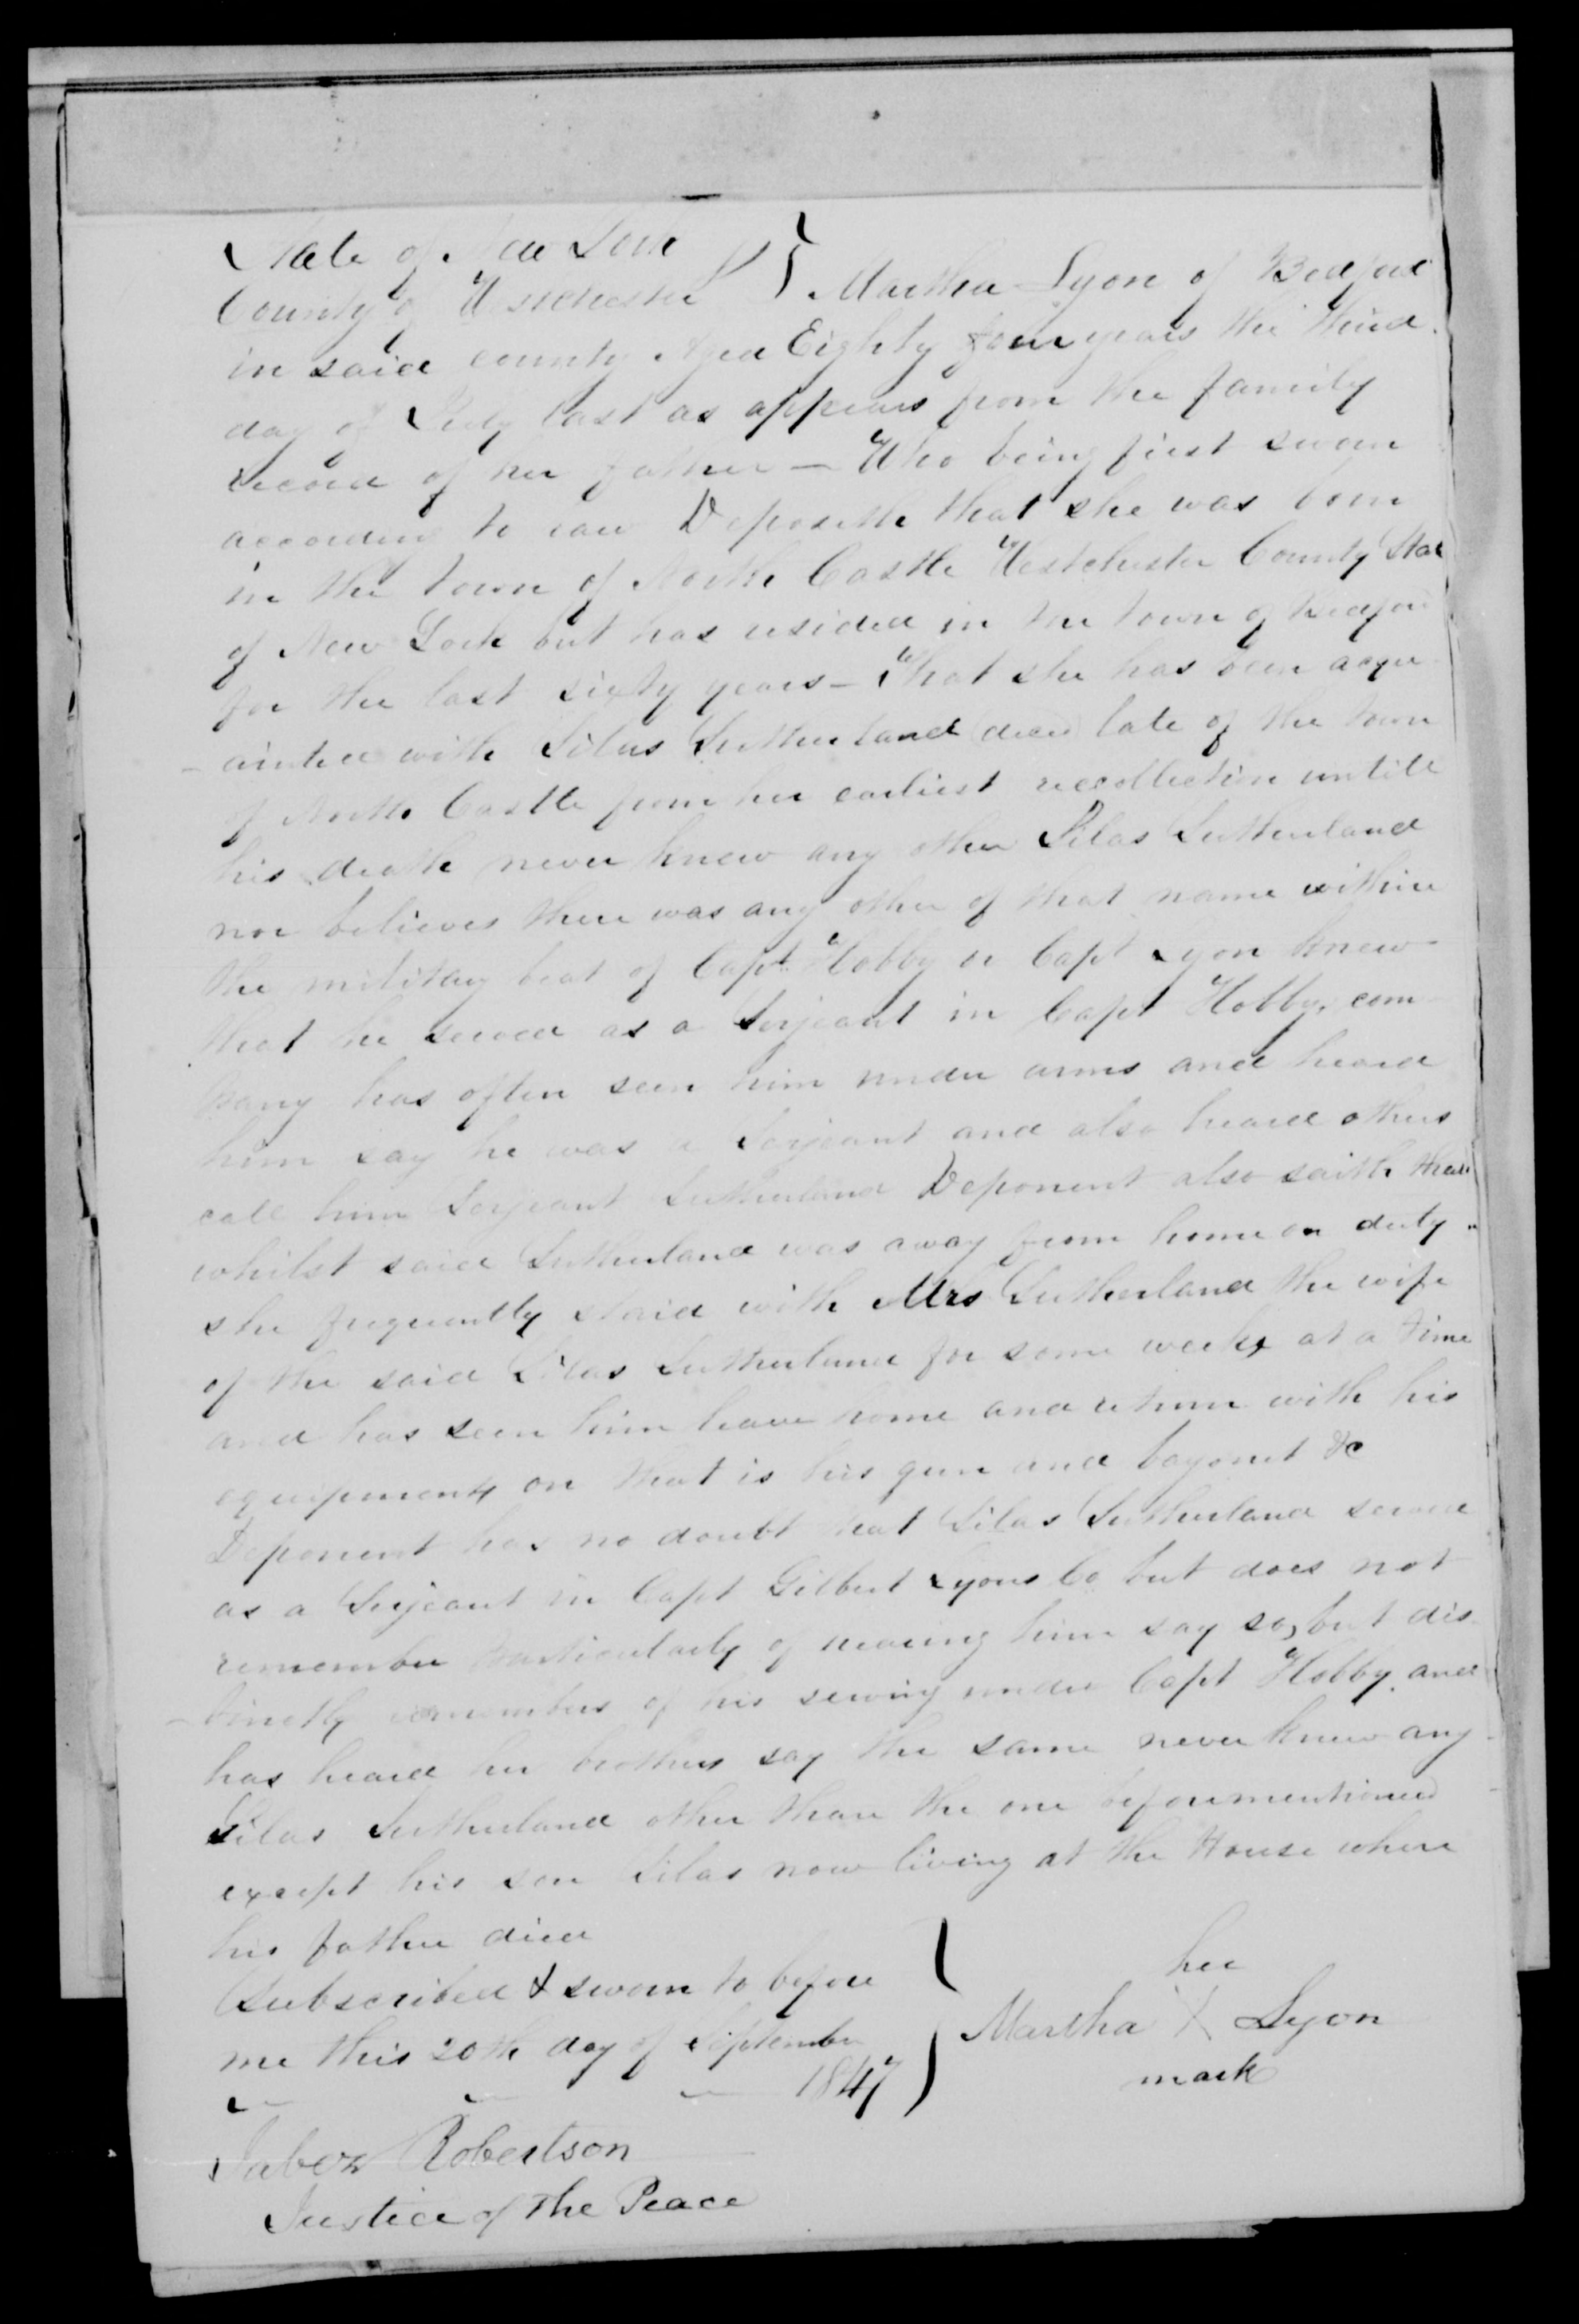State of New York
County of Westchester } 

Martha Lyon of Bedford in said county Aged eighty four years the third day of July last as appears from the family record of her father.  Who being first sworn according to law Deposith that she was born in the town of North Castle Westchester County State of New York but has resided in the town of Bedford for the last sixty years, that she has been acquainted with Silas Sutherland decd late of the town of North Castle from her earliest recollection untill his death never knew any other Silas Sutherland nor believes there was any other of that name within the military beat [?] of Capt Hobby or Capt Lyon knew that he served as a Sergeant in Capt Holly's company has often seen him under arms and heard him say he was a Sergeant and also heard others call him Sergeant Sutherland.  Deponent also saith that whilst said Sutherland was away from home on duty she frequently staid with Mrs Sutherland the wife of the said Silas Sutherland for some weeks at a time and has seen him leave home and return with his equipments on that is his gun and bayonet and Deponent has no doubt that Silas Sutherland served as a Sergeant in Capt Gilbert Lyons Co but does not remember particularly of hearing him say so, but distinctly remembers of his serving under Capt Hobby and has heard her brothers say the same never knew any Silas Sutherland other than the one before mentioned except his son Silas now living at the House where his father died.  

Martha X her mark Lyon

Subscribed and sworn to before me this 20th day of September 1847

Jabez Robertson
Justice of the Peace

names: Silas Sutherland; [BLANK] Hobby; Silas Sutherland; Martha Lyon; Seymous Sutherland; Jabez Robertson; [BLANK] Gilbert; Silas [BLANK]; [BLANK] Lyon; Silas Sutherland; [BLANK] Sutherland; [BLANK] Hobby; Silas Sutherland; [BLANK] Hobby; Martha Lyon; [BLANK] Sutherland; Silas Sutherland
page: 10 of 77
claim: survivor's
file: S. 23003, for Silas Southerland, New York